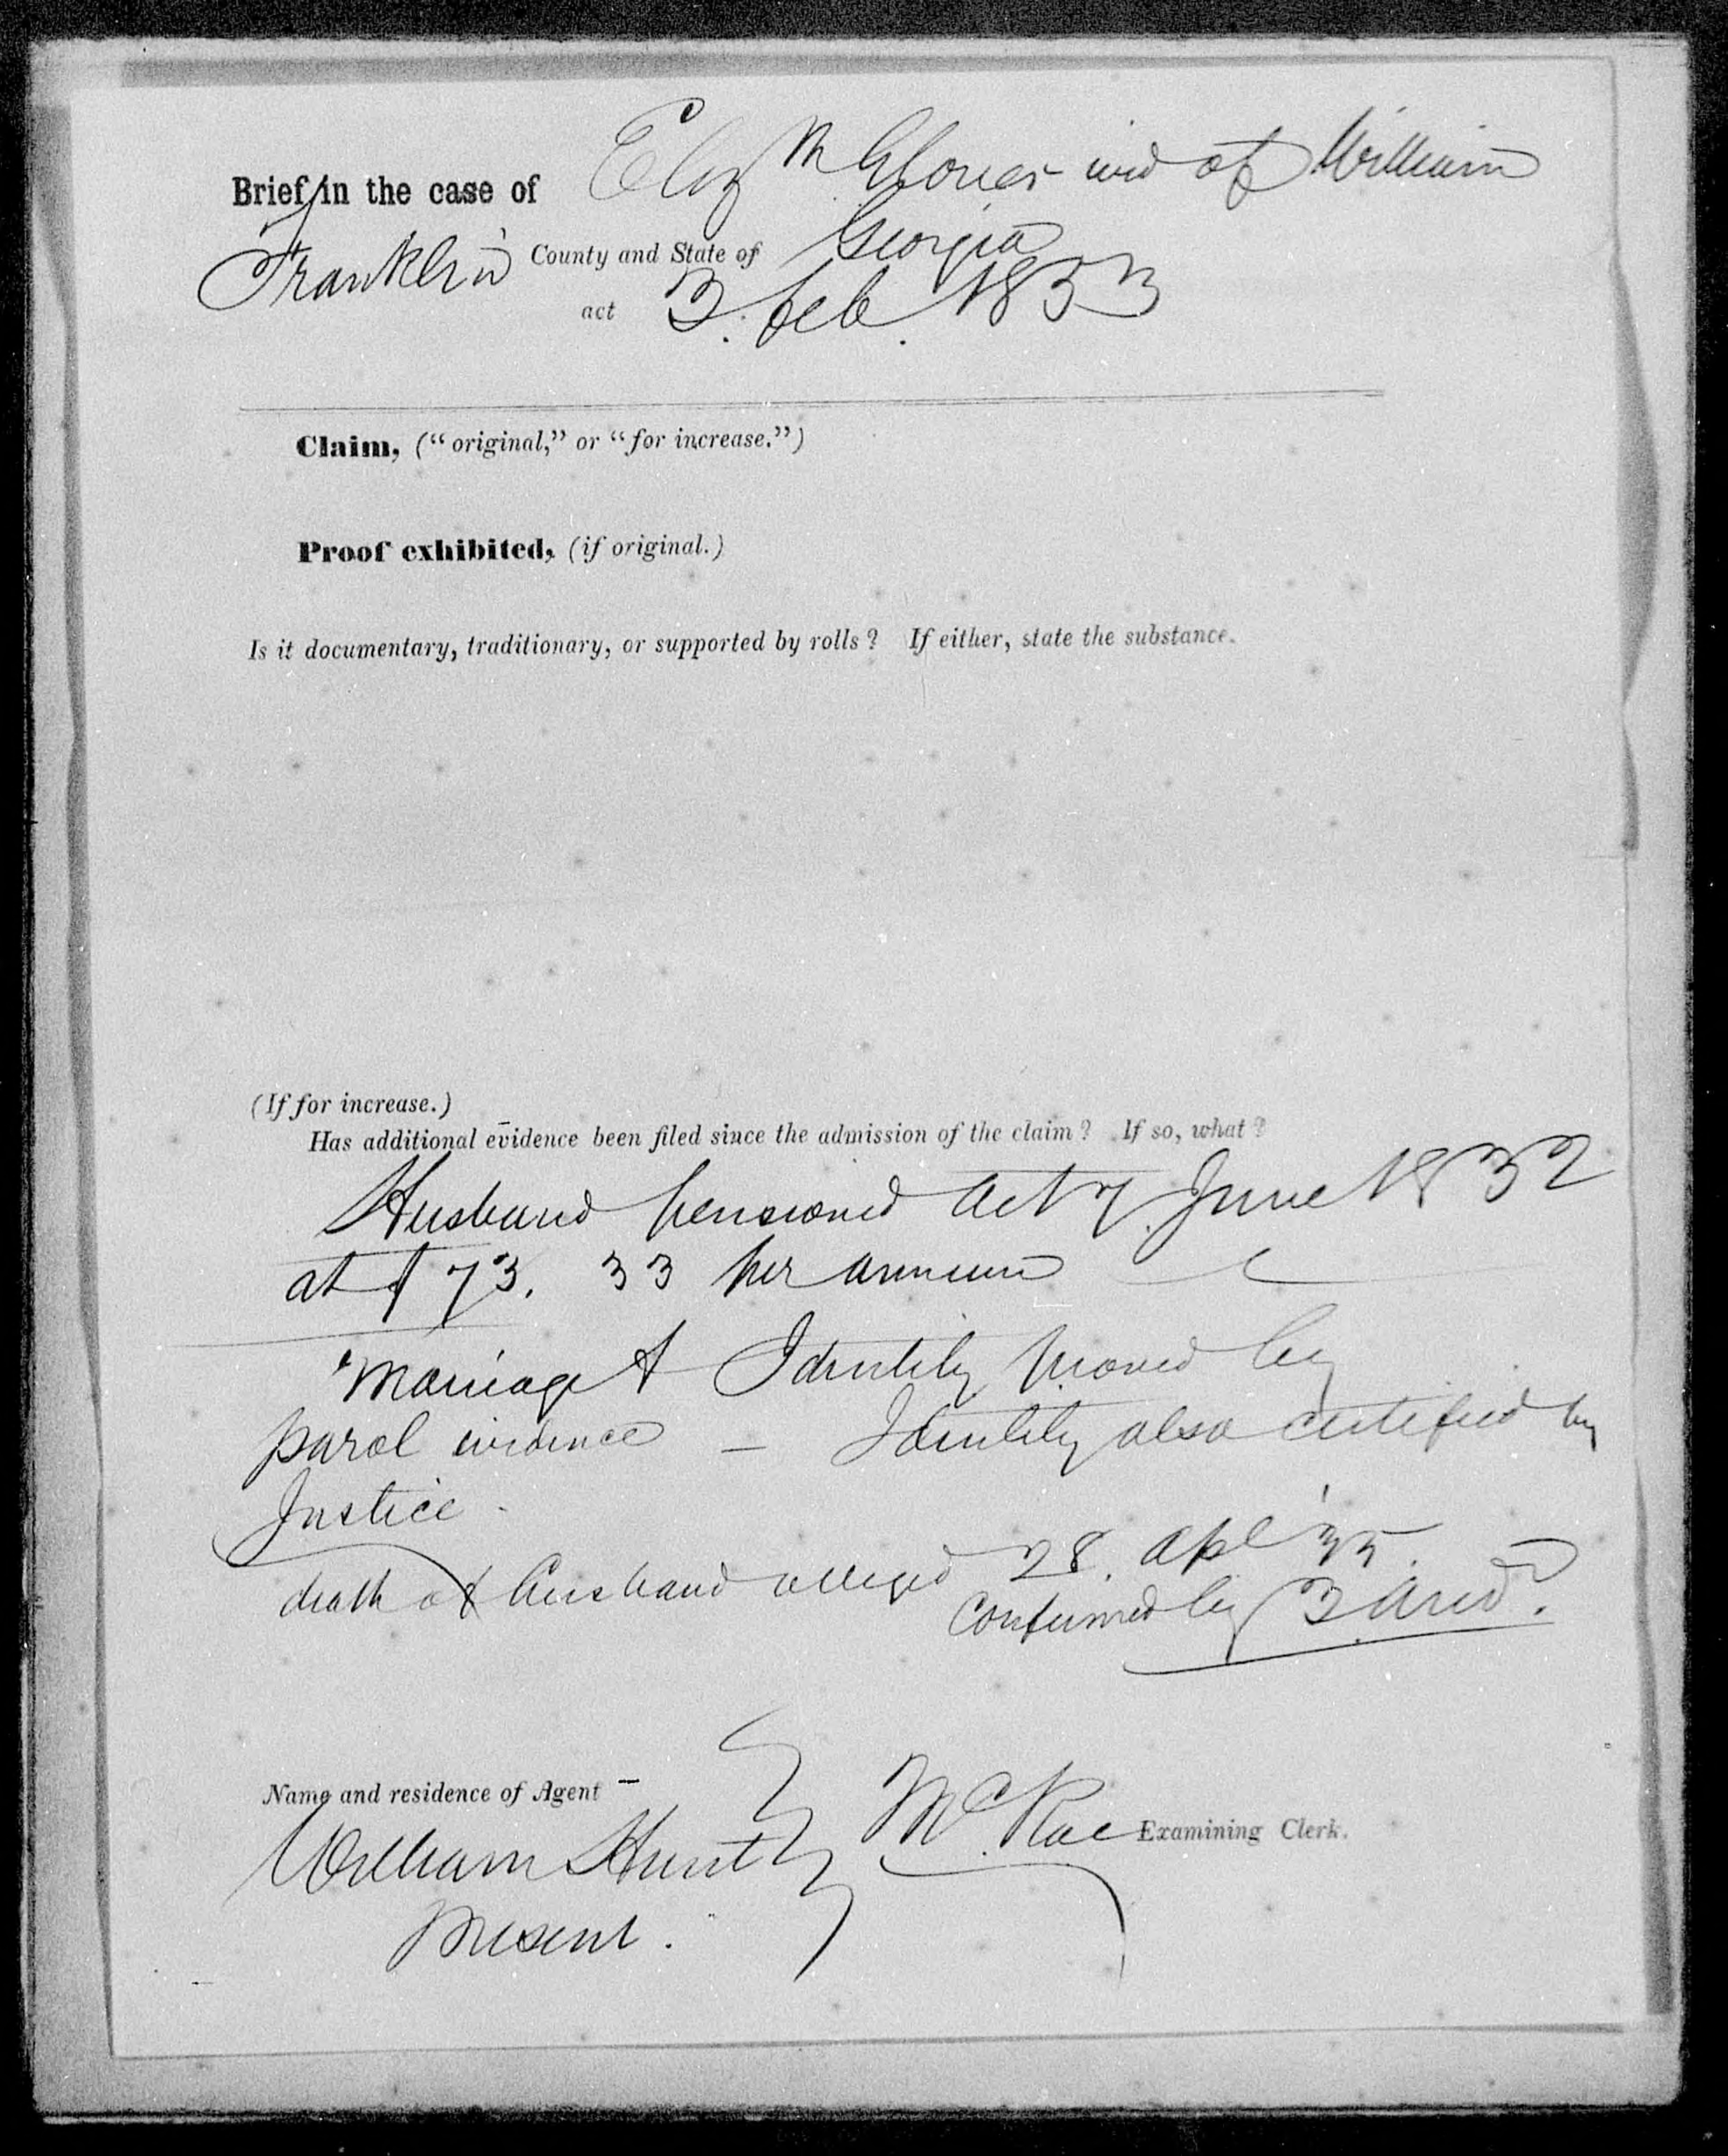Biref in the case of Elizabeth Glover widow of William 

Franklin county and State of Georgia
act 3 Feb. 1853

Husband Pension Act of June 1832 age of 73. 33 her annum 

Marriage A [illegible] widowed by parol evidence- [illegible] also certified by Justice.

death of husband alleged 28 April '35.
confirmed by [illegible]

Name and residence of Agent-

William Hurt }
Present}

McRae Examining Clerk .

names: William Glover, Mc Rae, William Hunt, Elizth Glover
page: 27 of 51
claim: widow's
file: W. 929, William Glover, N.C.